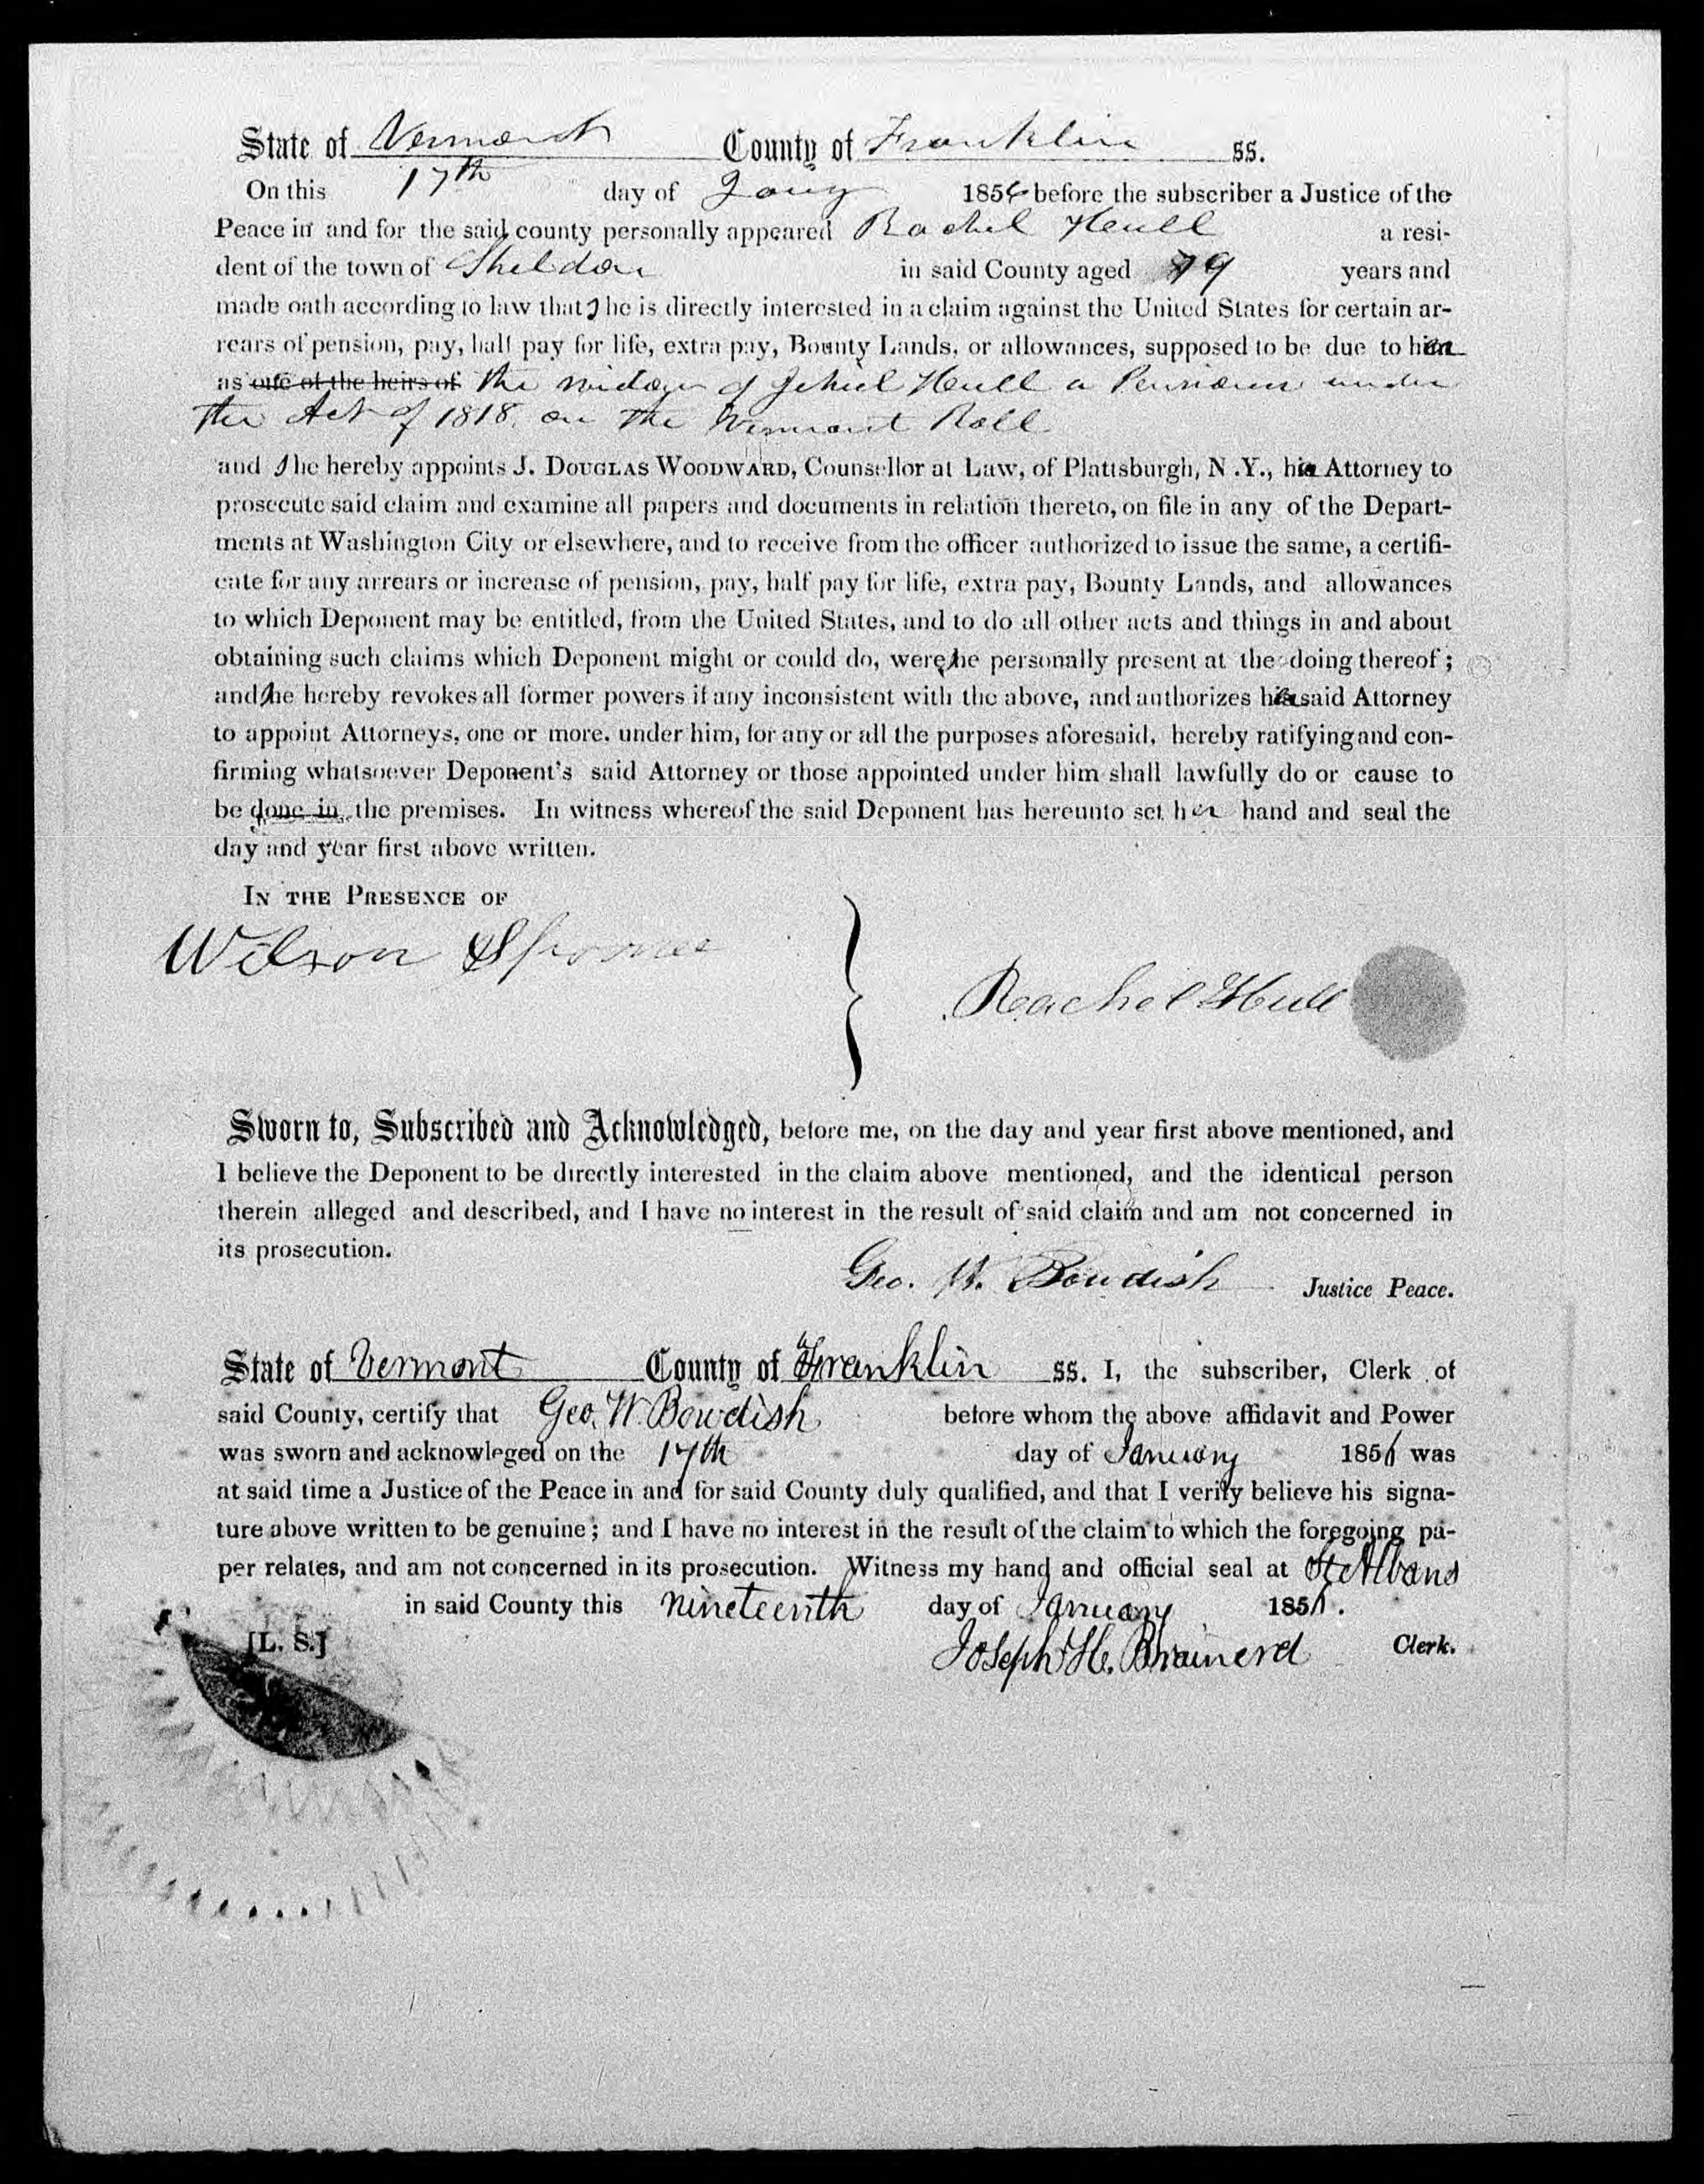State of Vermont County of [Unsure] 55.

On this 17th day of (January) 1856 before the subscriber a Justice of the Peace in and for the said county personally appeared (Rachel Hull)
a resident of the town of [Unsure] in said County aged 79 years and made oath according to law that she is directly interested in a claim 
against the United States for certain arrears of pension, pay, half pay for life, extra pay, Bounty Lands, or allowances, supposed to be due to her
as the widow of Jehiel Hull a pension under the act of 1818 or the [Unsure] and she hereby appoints J. Douglas Woodward, Counsellor at Law,
of Plattsburgh, N.Y., her attorney to prosecute said claim and examine all papers and documents in relation thereto, on file in any of the department
at Washington City or elsewhere, and to receive from the officer authorized to issue the same, a certificate for arrears or increase of pension, pay, 
half pay for life, extra pay, Bounty Lands, and allowances to which Deponent may be entitled, form the United States, and to do all other acts and things 
in and about obtaining such claims which Deponent might or could do, were she personally present at the doing thereof; and she she herby revokes
all former powers if any inconsistent with the above, and authorizes her said Attorney to appoint Attorneys, one or more, under him,for any or all the
purpose aforesaid, hereby ratifying and confirming whatsoever Deponent's said Attorney or those appointed under him shall lawfully do or cause to be done in the premises. In 
witness whereof the said Deponent has hereunto set her hand and seal the day and year first above written.

In the presence of Wilson Spooner } Rachel Hull

Sworn to , Subscribed and Acknowledged, before me, on the day and year first above mentioned, and I believe the De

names: Joseph H Brainerd, Jehiel Hull, Geo W Bowdish, J Douglas Woodward, Rachel Hull, Wilson Spooner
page: 34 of 58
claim: widow's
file: W. 25813, Jehiel Hull, Conn.